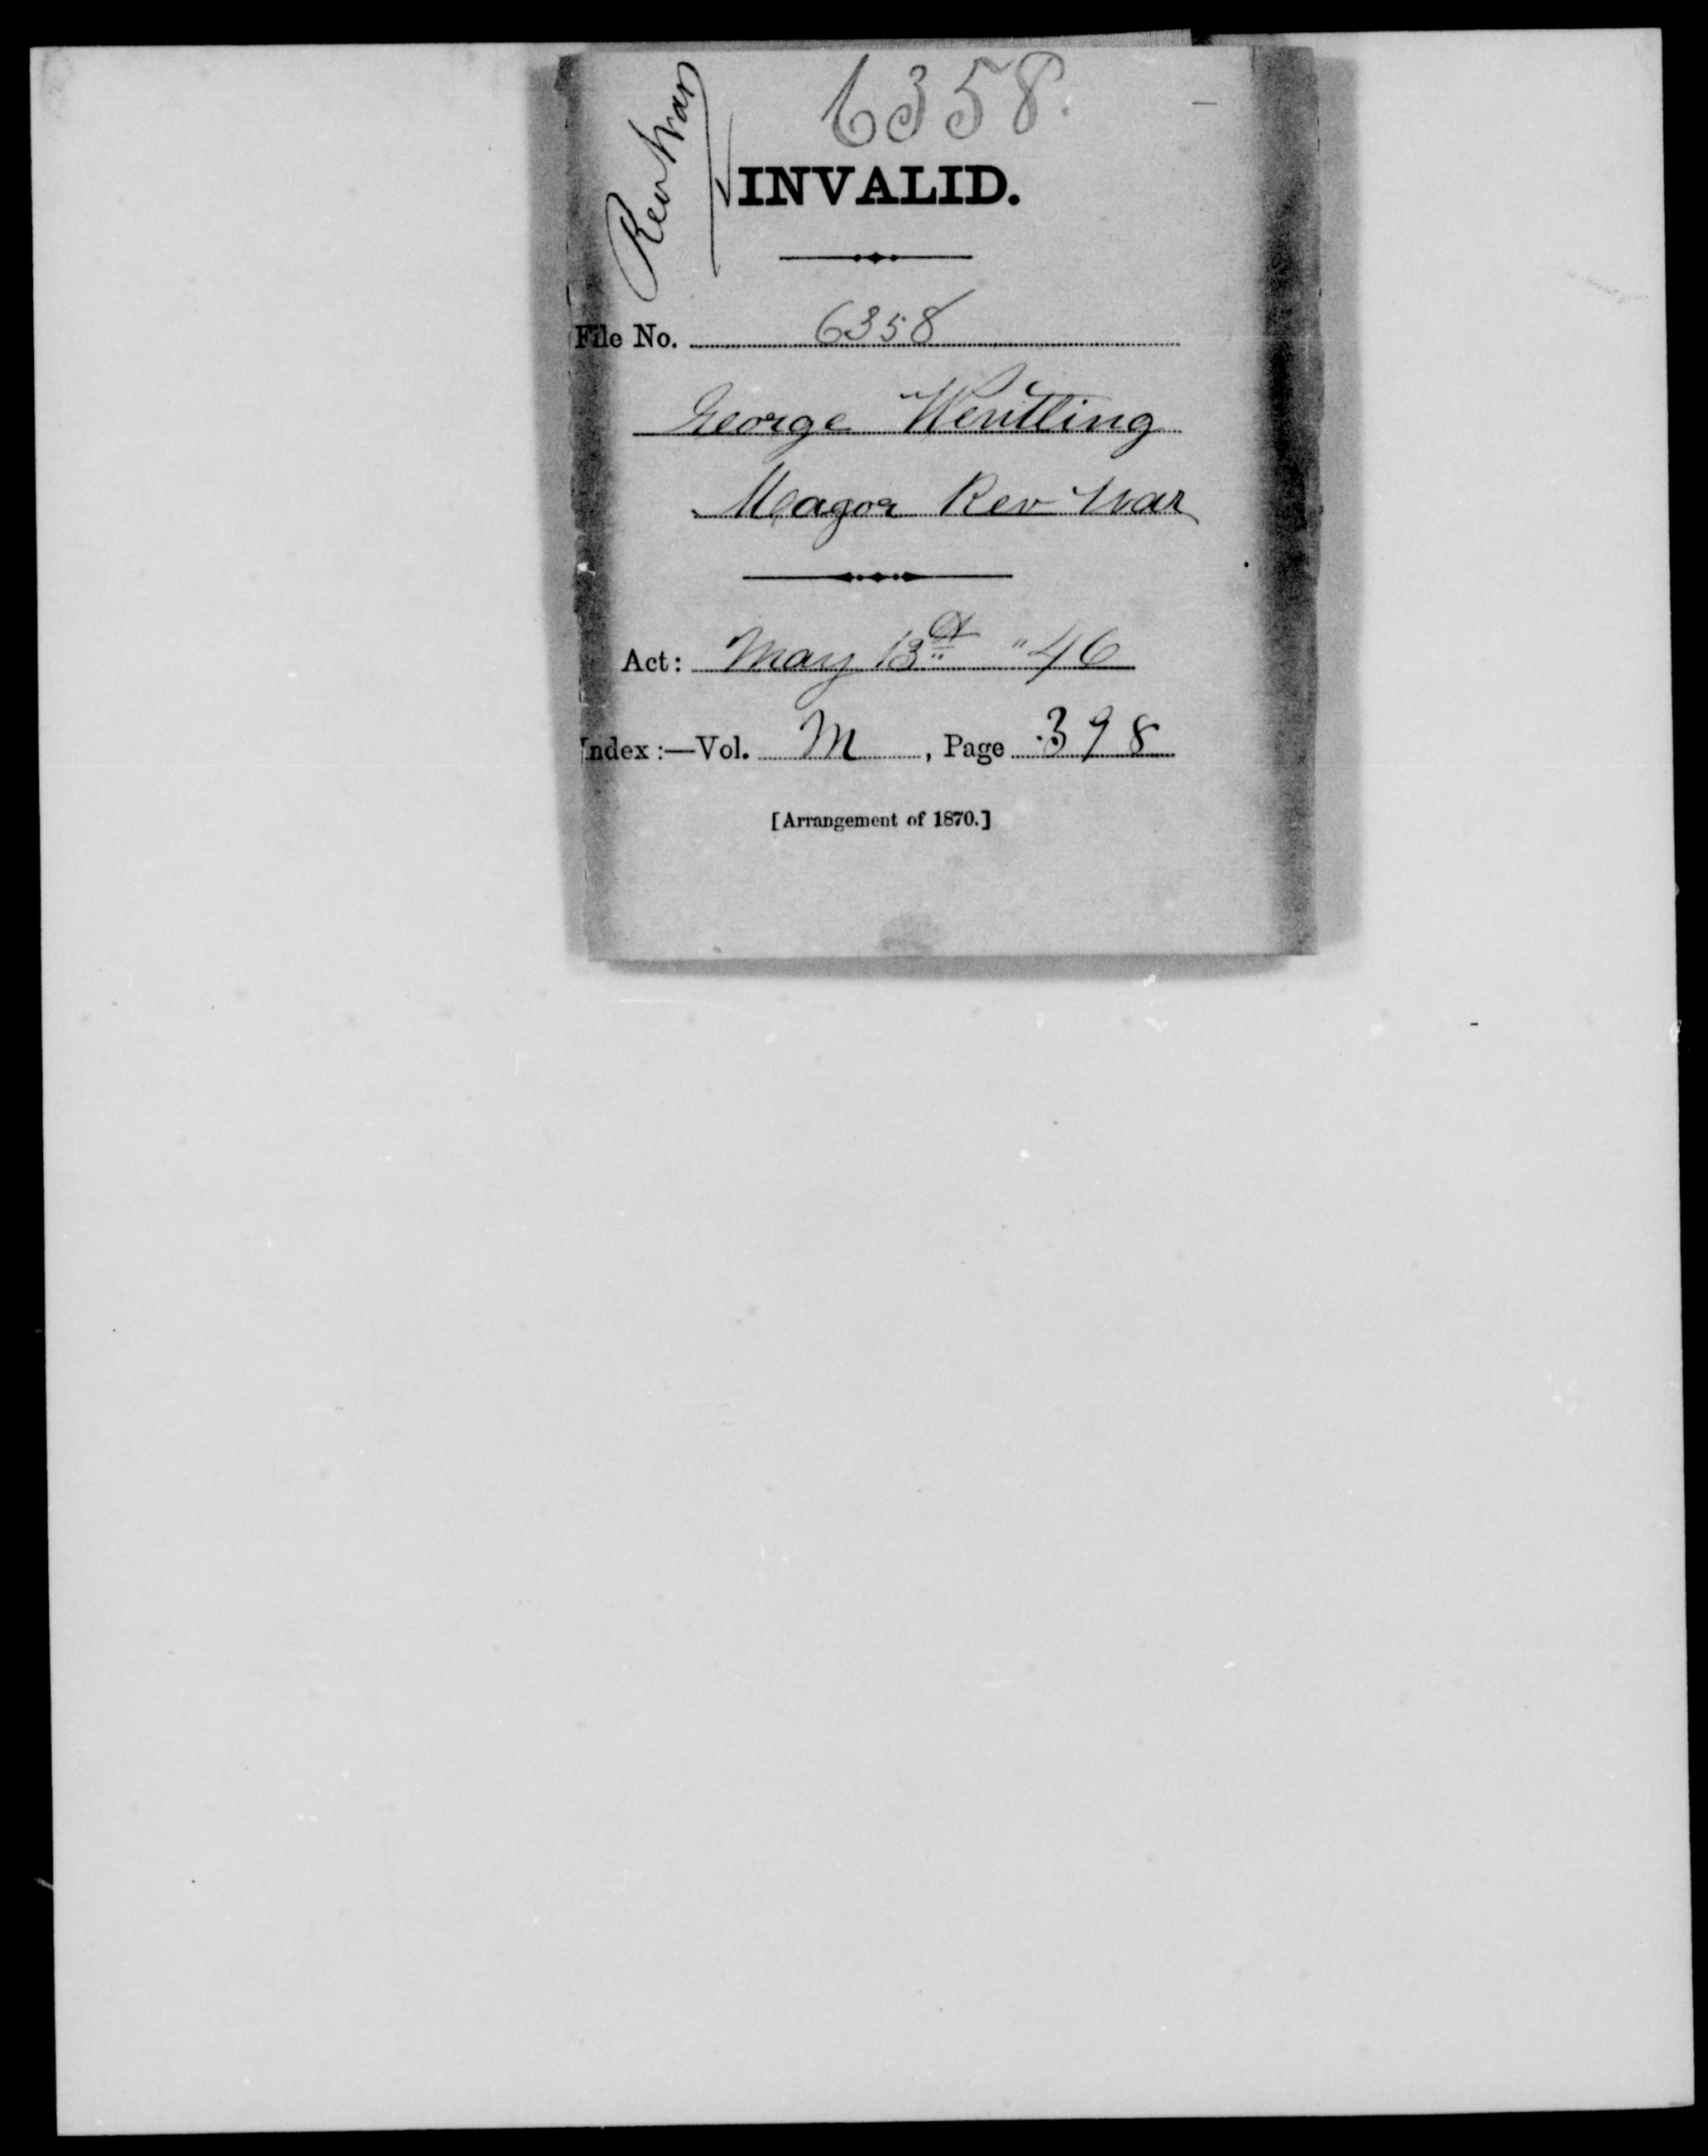Rev War 6358
INVALID.
File No. 6358
George Wentling
Major Rev War

Act: May 13th 46
Index: -- Vol. M, Page 398
(Arrangement of 1870.)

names: George Wentling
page: 67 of 68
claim: survivor's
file: S. 6,358, George Wentling, Penn.